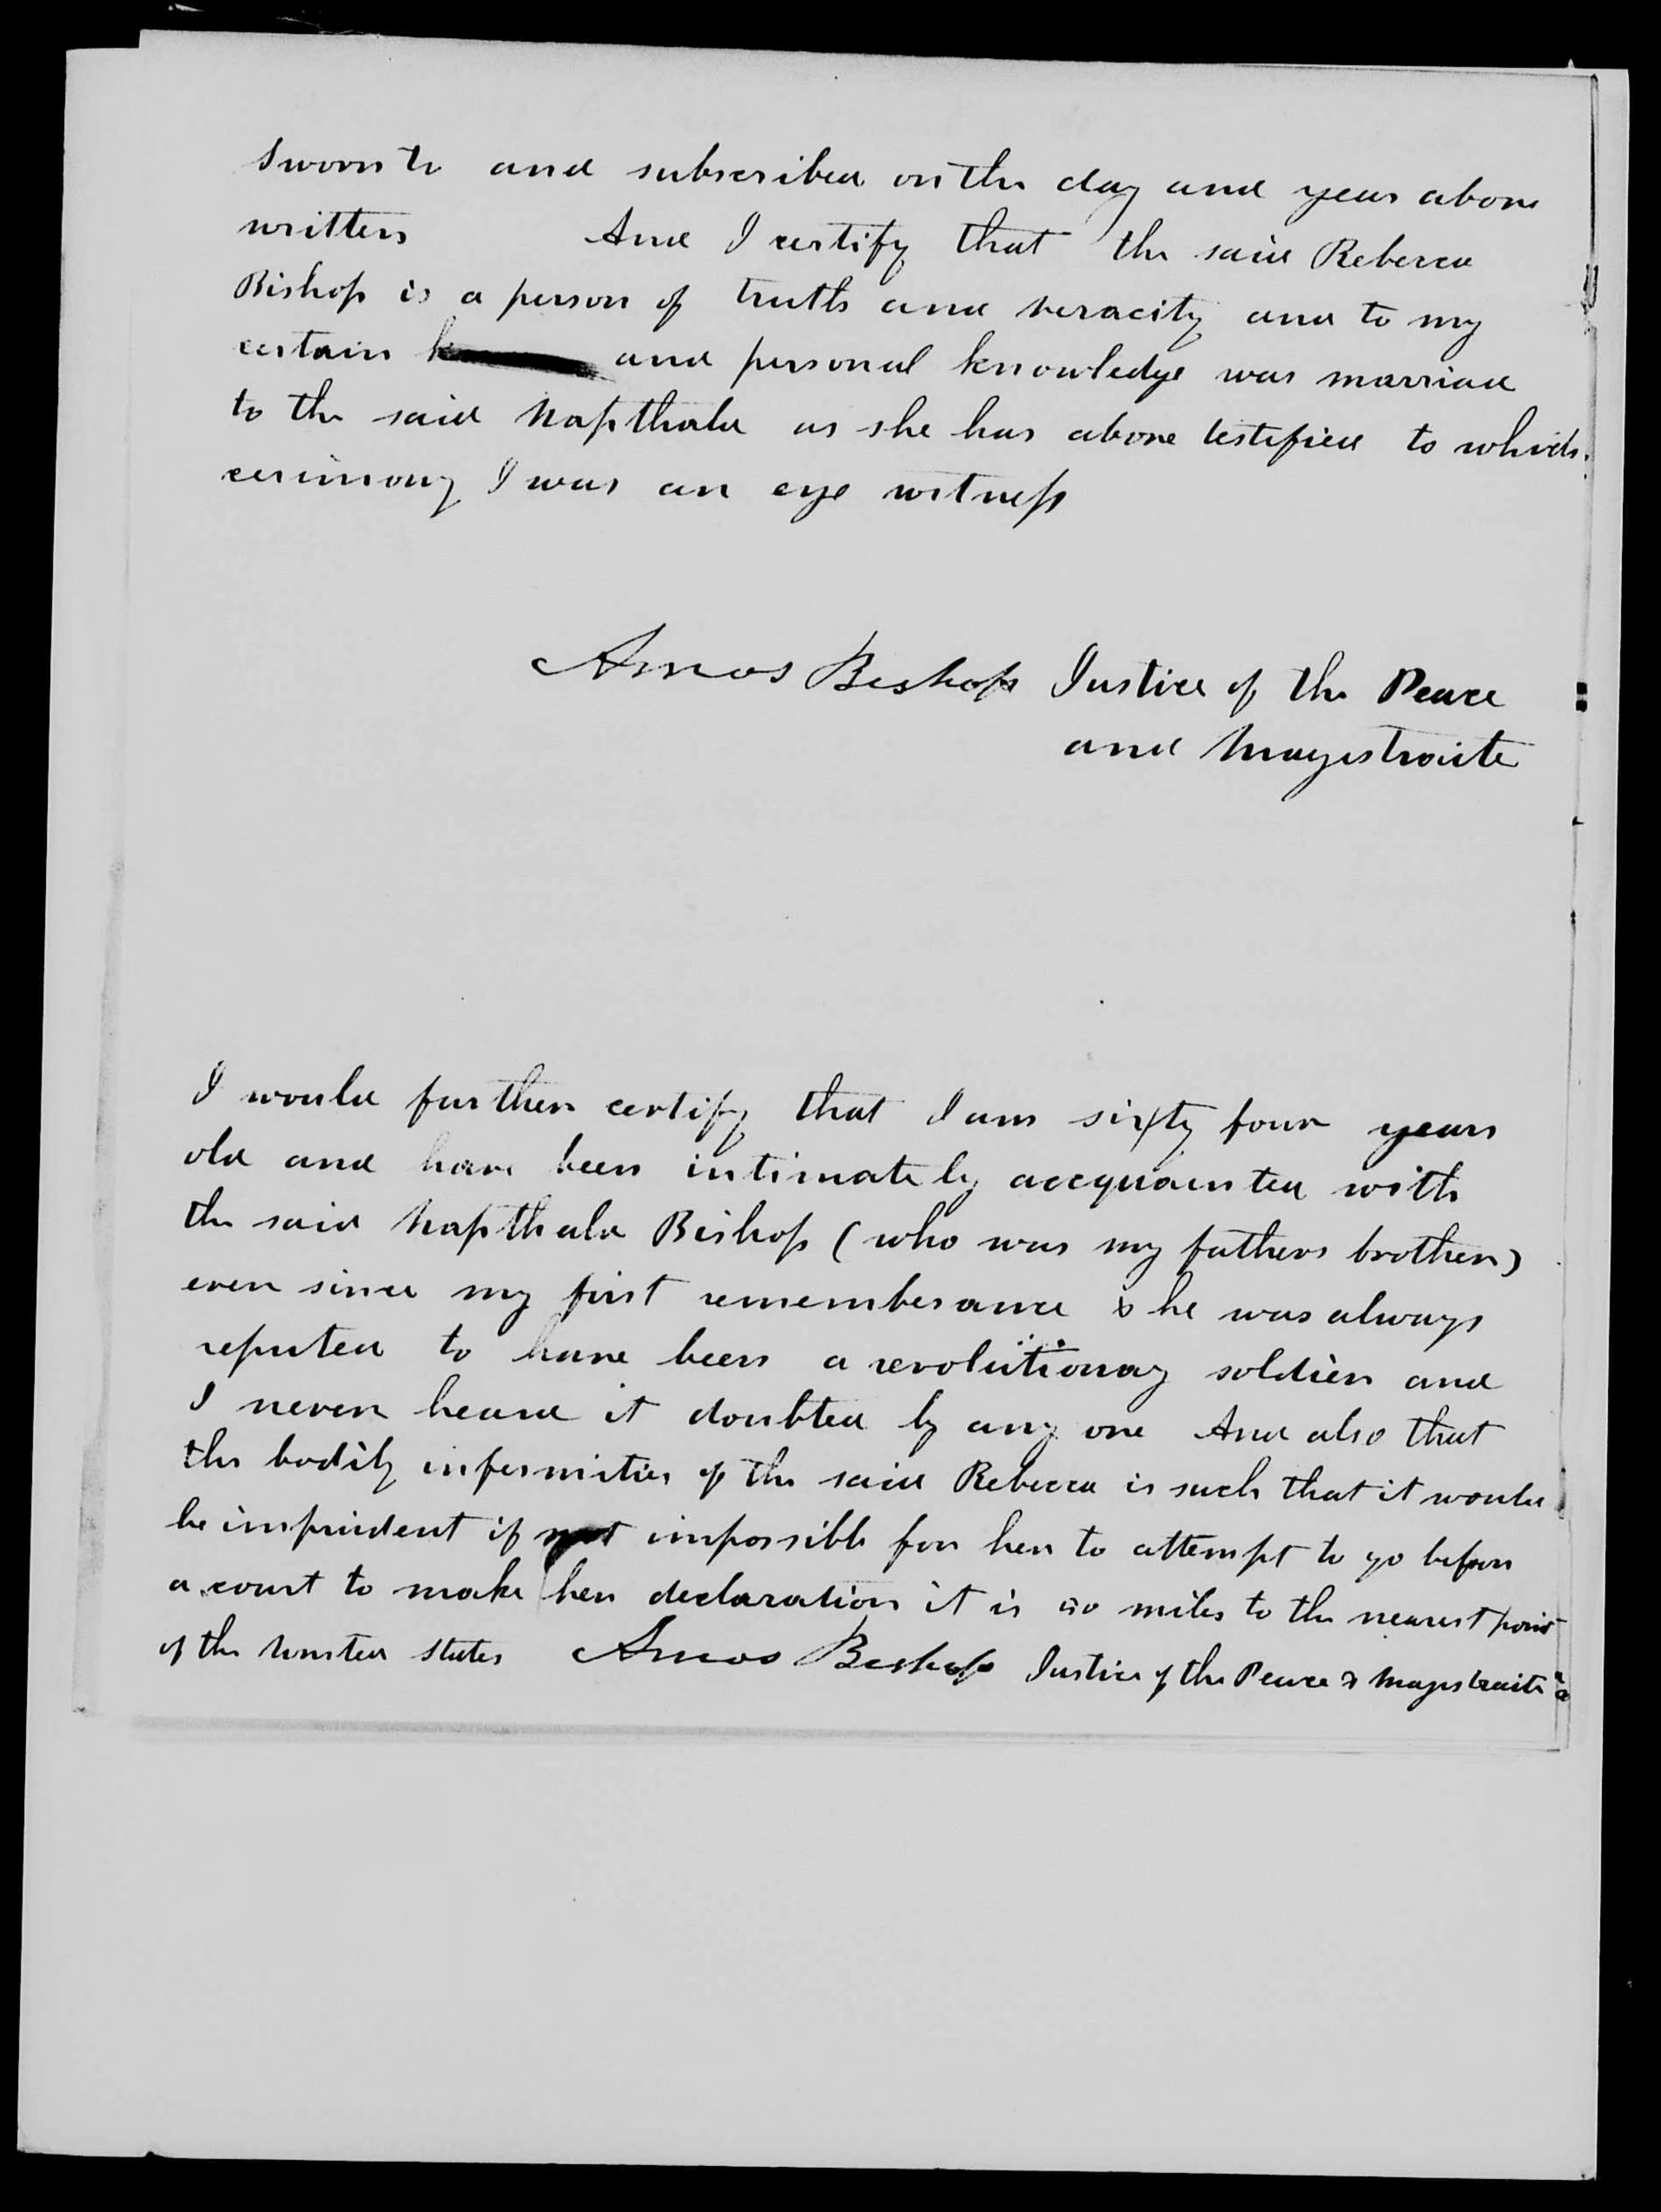Sworn to and subscribed on the day and year above written And I certify that the said Rebecca Bishop is a person of truth and veracity and to my certain ['knowledge' crossed out] and personal knowledge was married to the said Napthala as she has above testified to which ceremony I was an eye witness
/s/Amos Bishop Justice of the Peace and Magistraite

I would further certify that I am sixty four years old and have been intimately accquainted with the said Napthala Bishop (who was my fathers brother) ever since my first rememberance & he was always reputed to have been a revolutionary soldier and I never heard it doubted by any one And also that the bodily infirmities of the said Rebecca is such that it would be imprudent is not impossible for her to attempt to go before a court to make her declaration it is 90 miles to the nearest point of the United States
/s/Amos Bishop Justice of the Peace & Majistraite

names: Amos Bishop, Napthala Bishop, Rebecca Bishop, Napthala, Amos Bishop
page: 21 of 27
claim: rejected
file: R. 865, Napthala Bishop, Vt.